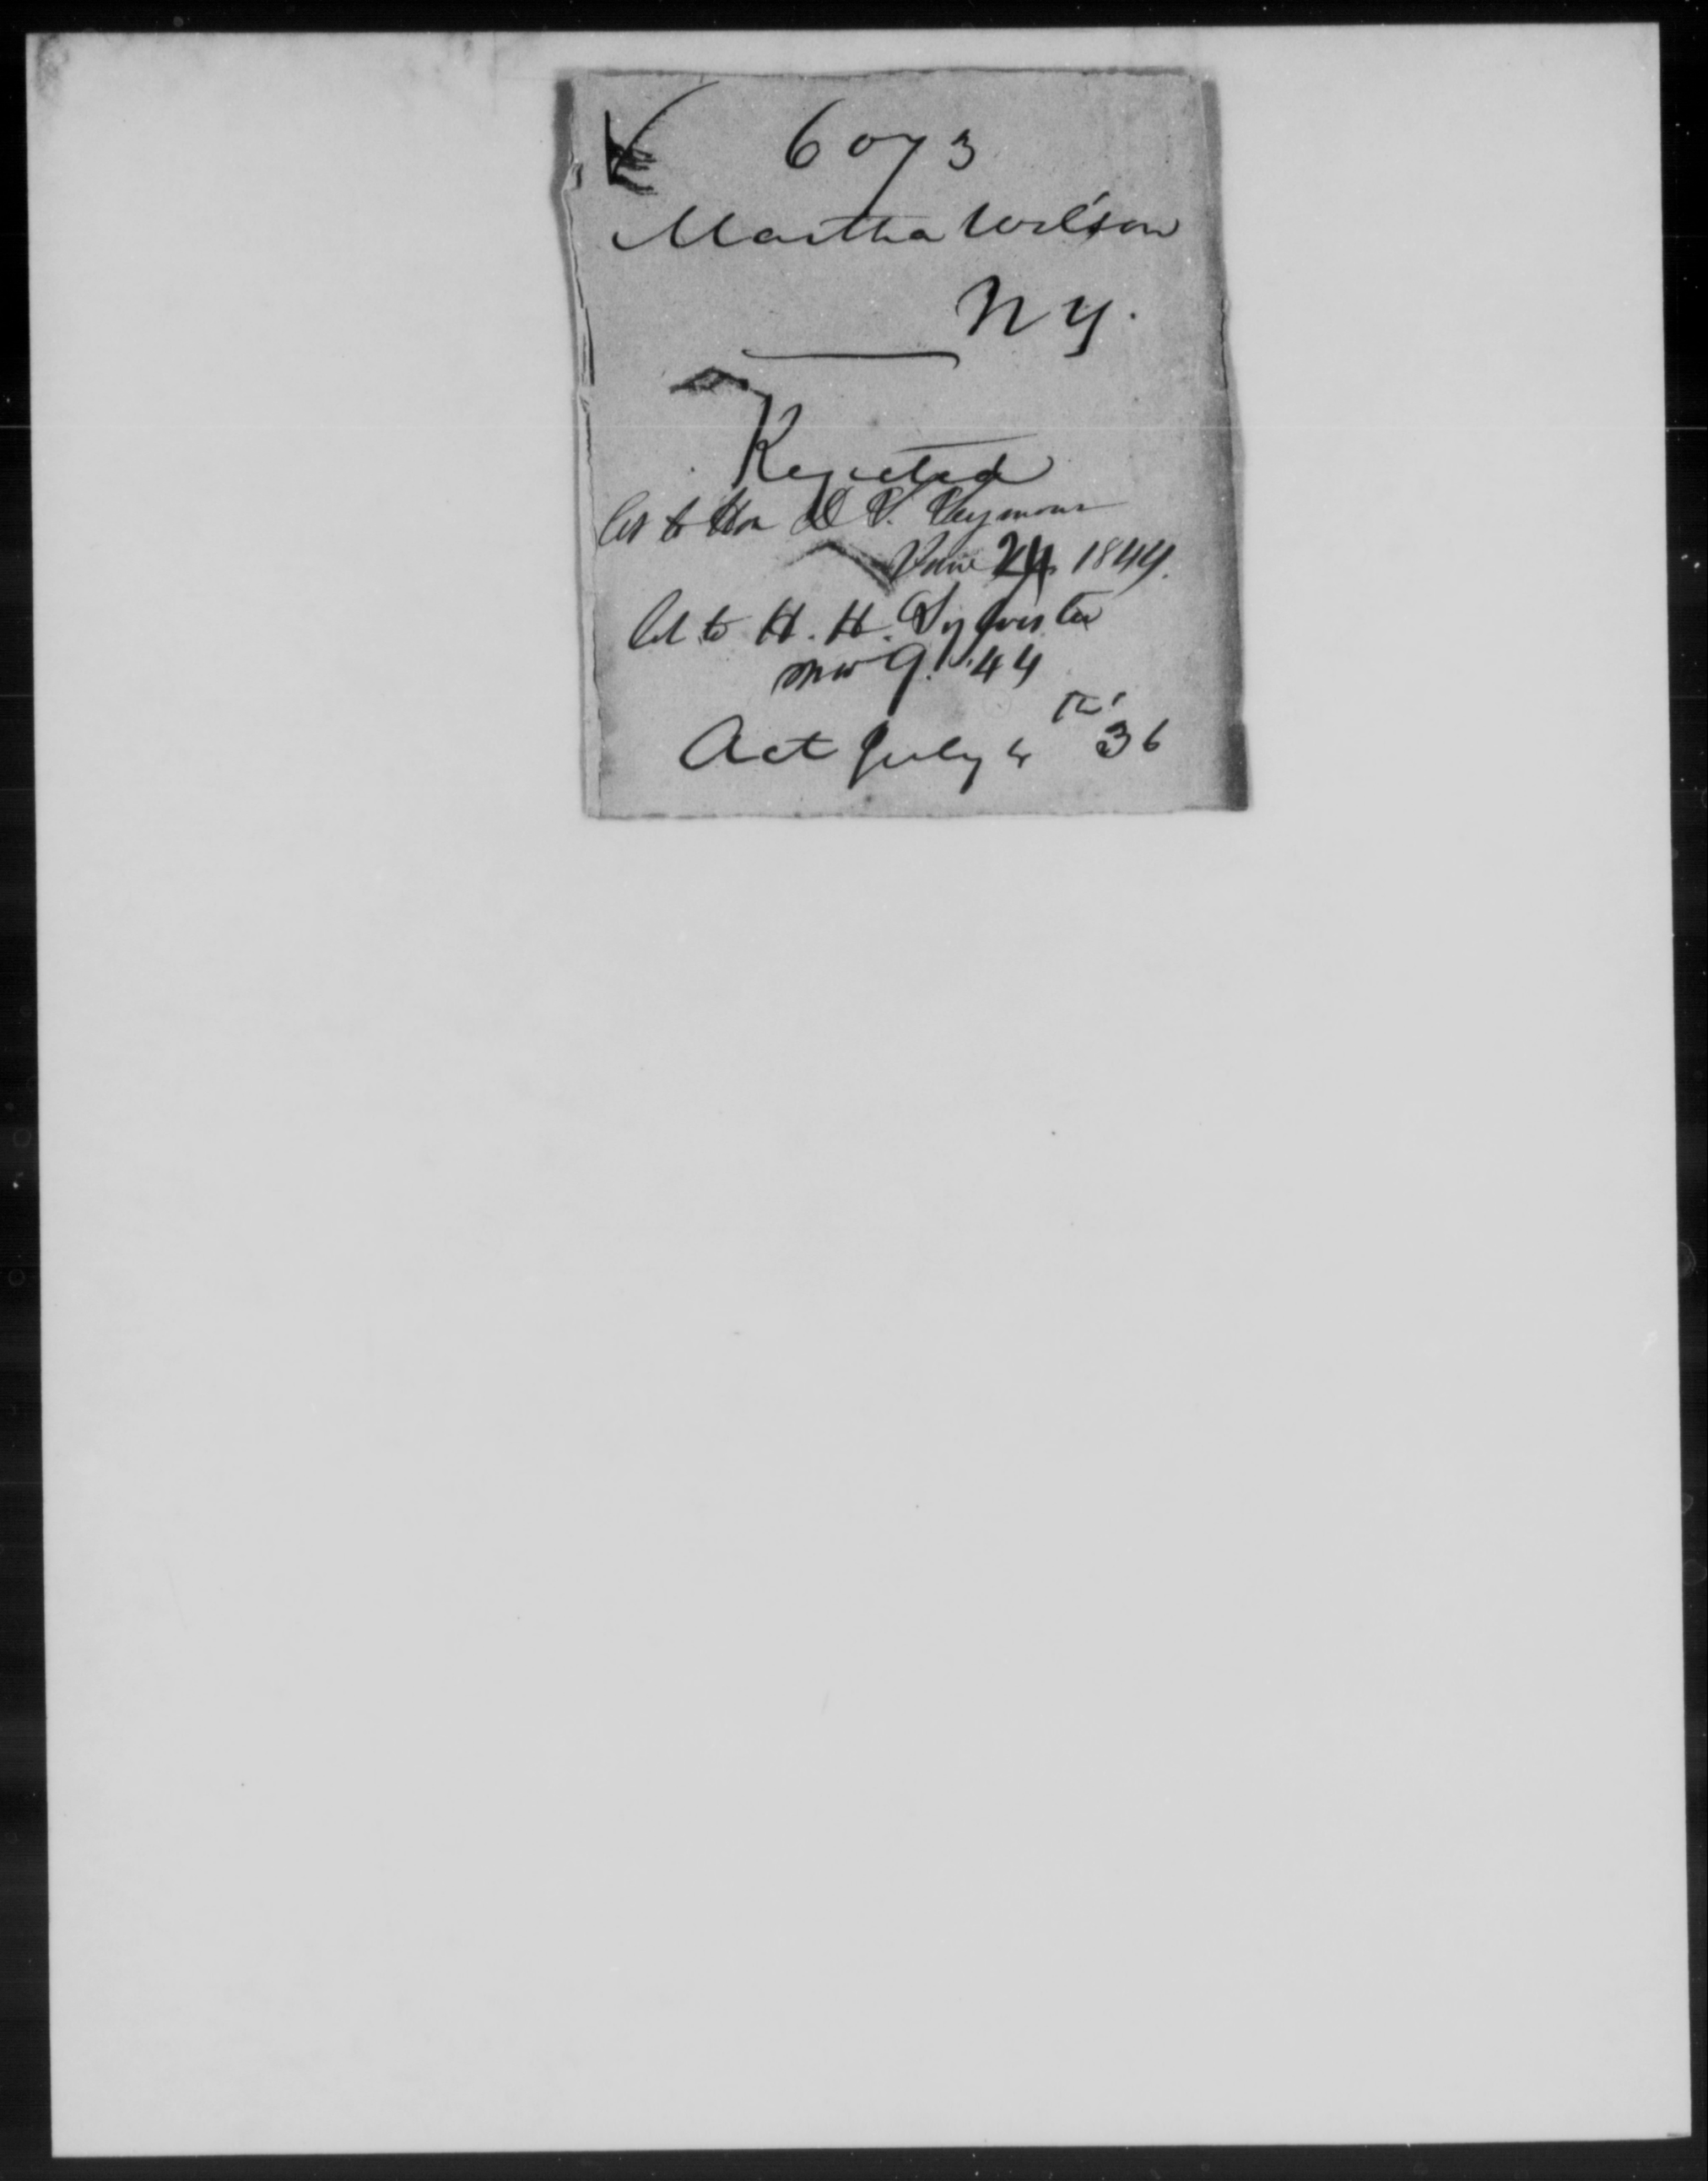6073
Martha Wilson 
NY
Rejected
let to Hon D V Seymour
June 24 1844
let to H. H. Sylvester
Nov 9 '44
Act July 4th 36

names: Martha Wilson, H H Sylvester, D S Seymour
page: 10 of 18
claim: rejected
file: R. 195, James Wilson, S. C.